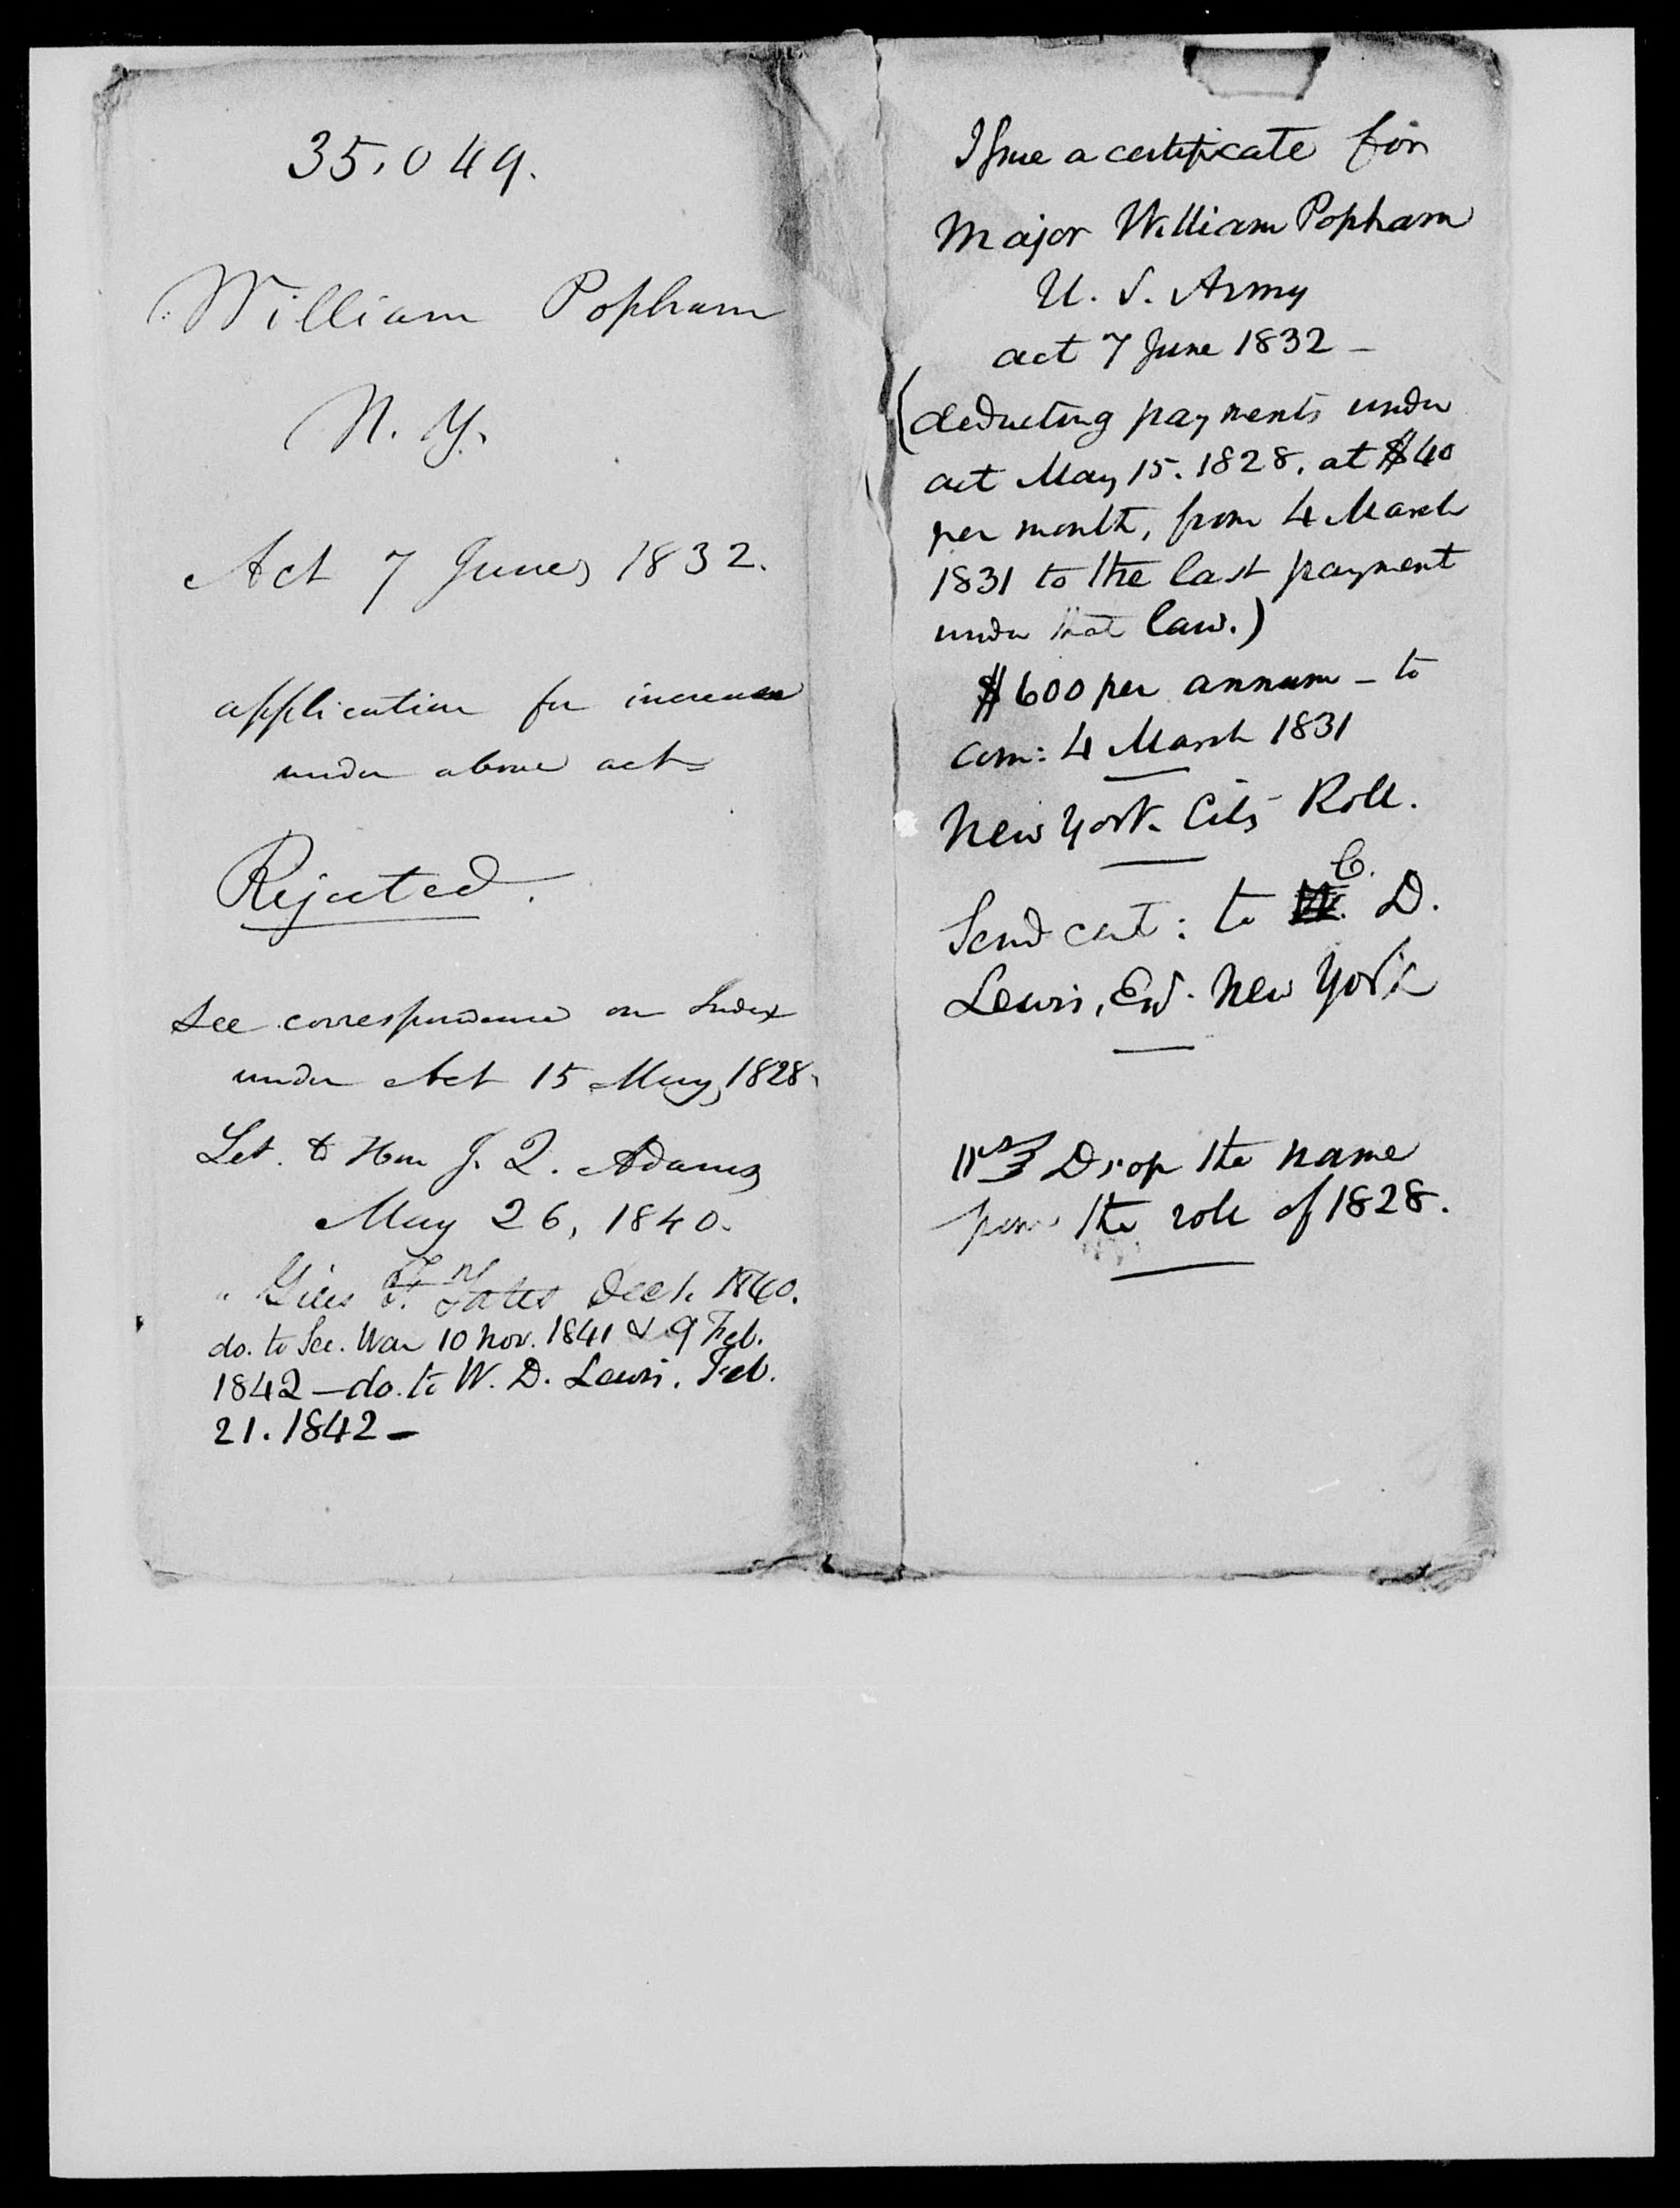35.049.
William Popham
N. Y.
Act 7 June 1832.
application
for increase
under above act
Rejected
---
see correspondence on Index
under Act 15 May 1828
Let to Hon J. Q. Adams
May 26, 1840
" Giles F. Gates Dec 1. 1840
do. to Sec. War 10 Nov 1841 & 9 Feb.
1842 - do to W. D. Lewis, Feb
21, 1842 -
Issue a certificate for
Major William Popham
U.S. Army
act 7 June 1832-(deducting payments under
Act May 15, 1828, at $40
per month, from 4 March
1831 to the last payment
under that law)
$600 per annum to
Com : 4 March 1831
-
New York City Roll.
-
Send Cert: to [W crossed out]C.D.
Lewis, Esq. New York
[Handdrawn hand point to] Drop the name
upon the role of 1828.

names: W D Lewis; C D Lewis; William Popham; J Q Adams; Giles F Gates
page: 11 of 75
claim: survivor's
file: S. 9989, for William Popham, Delaware